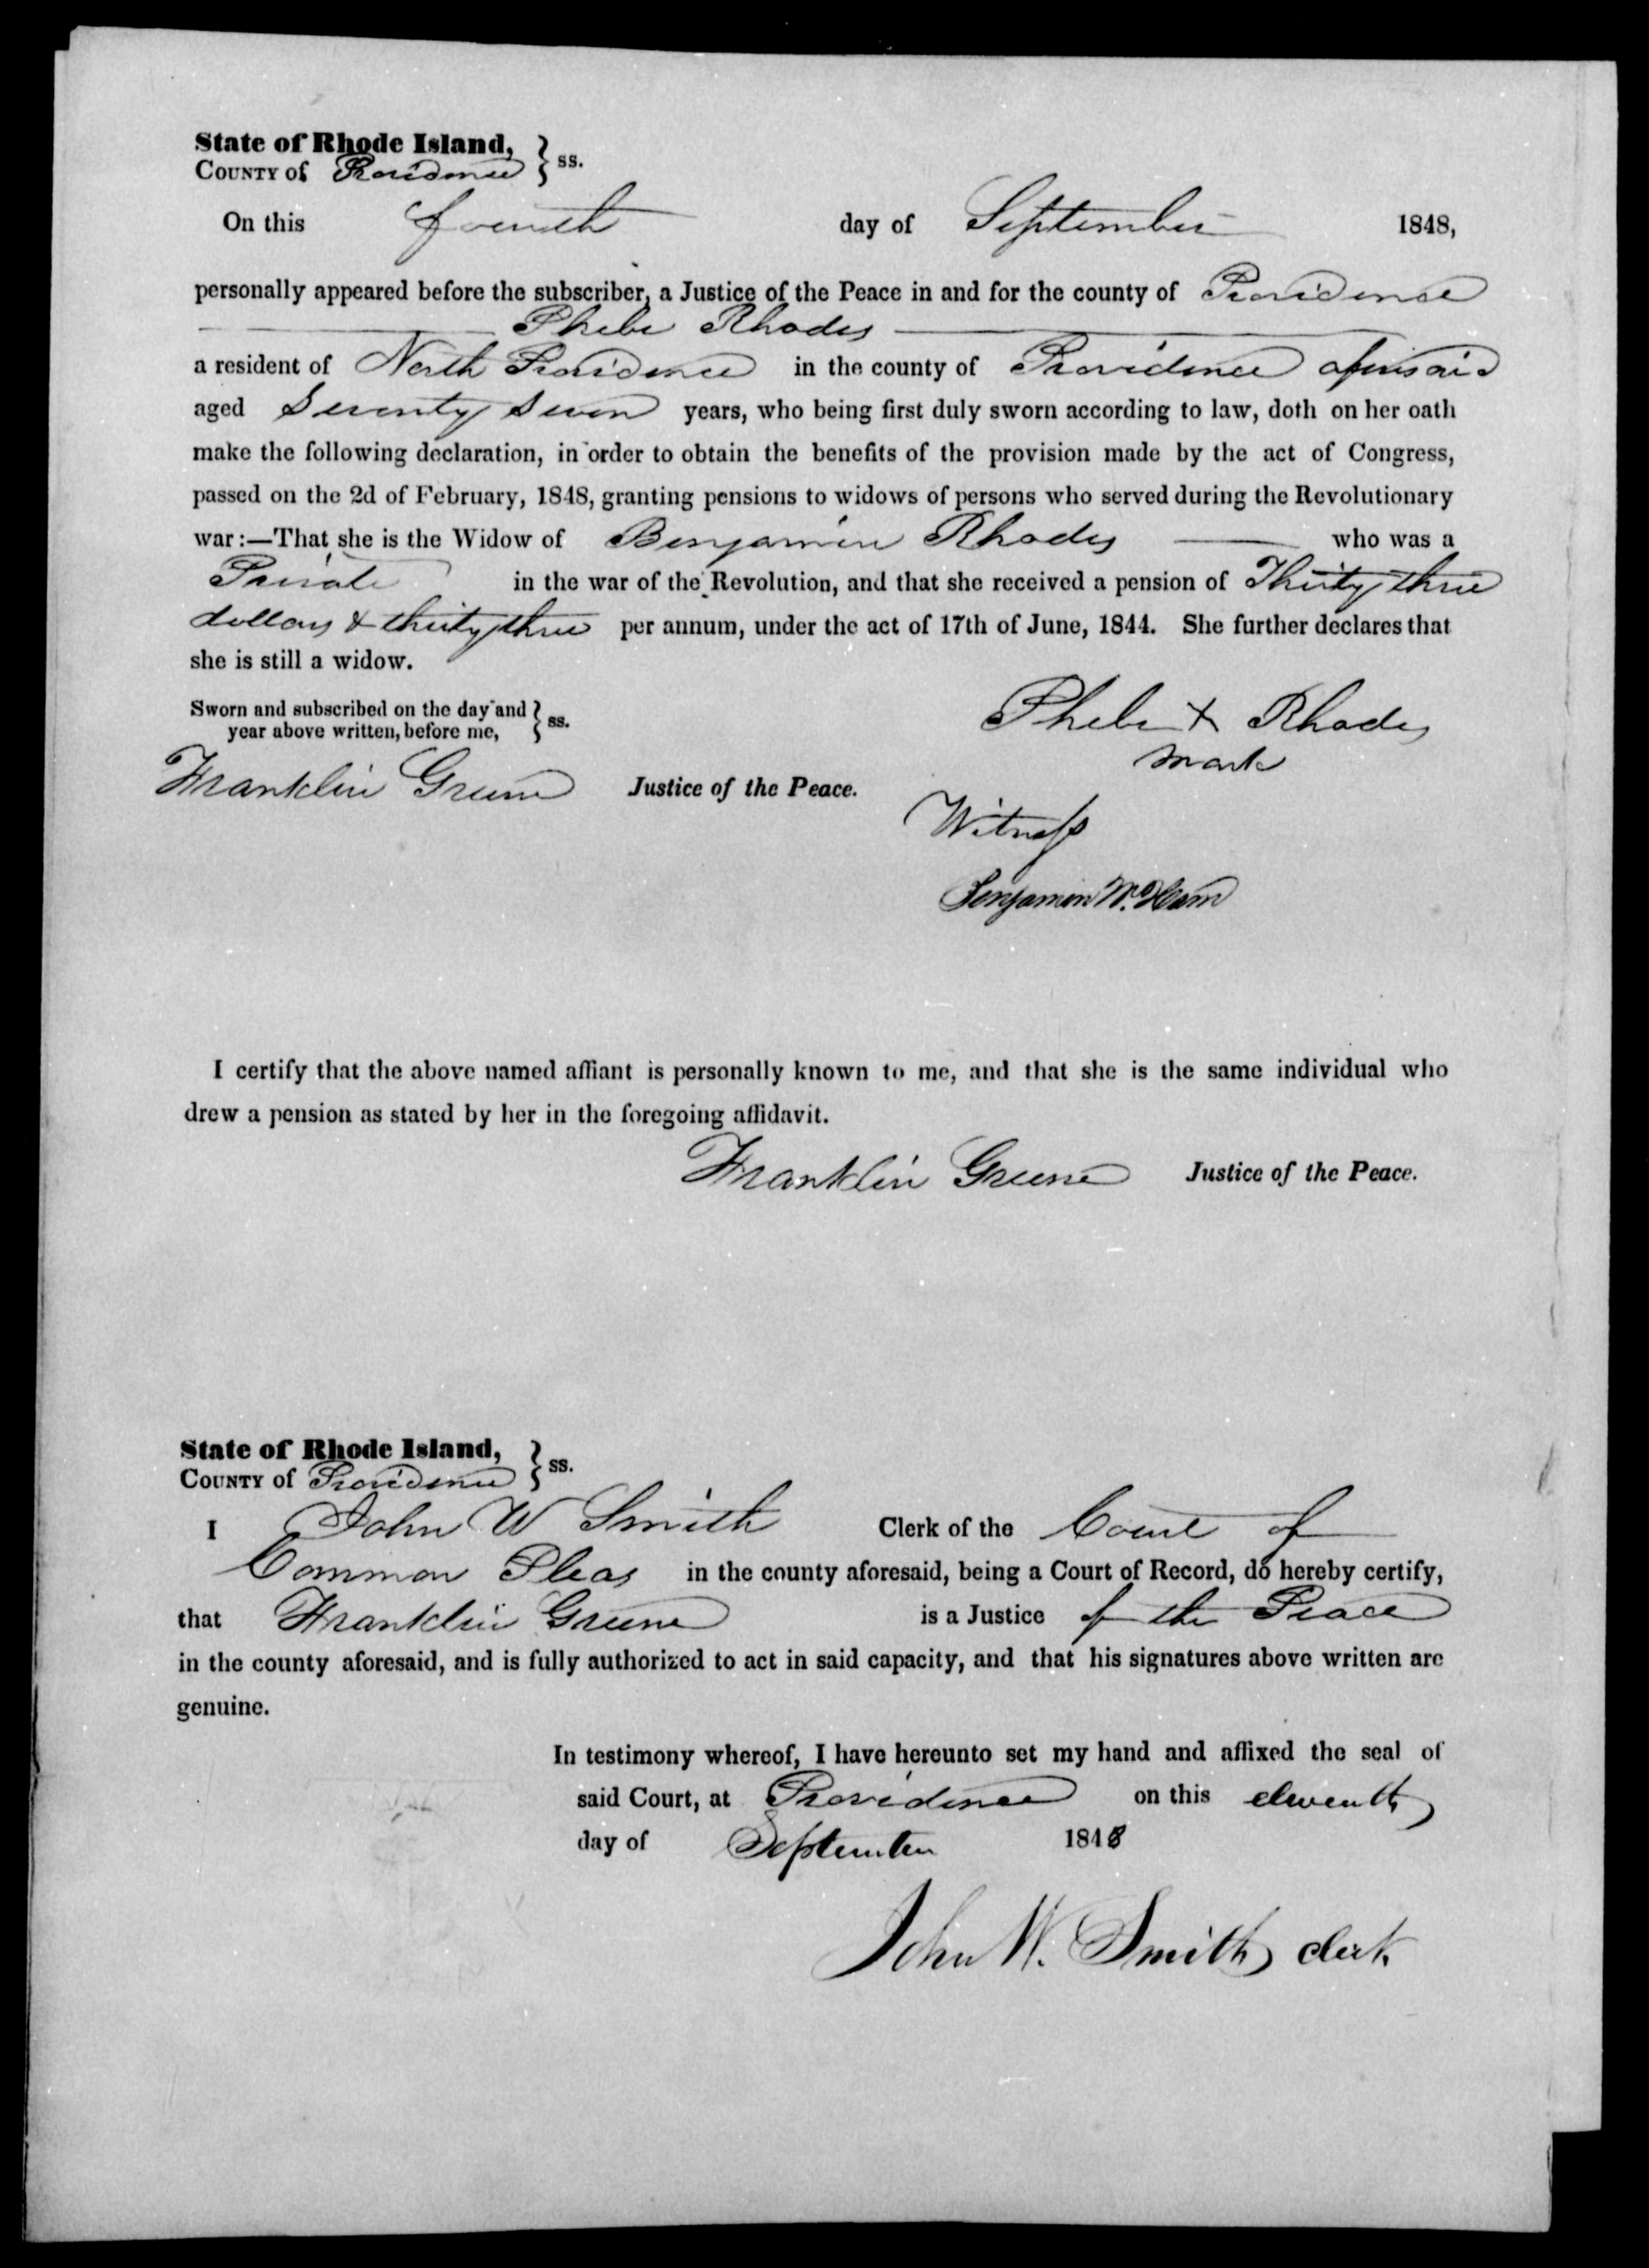State of Rhode Island,
COUNTY of Residence } ss.
On this fourth day of September, 1848,
personally appeared before the subscriber, a Justice of the Peace in and for the county of Providence Phebe Rhodes 
a resident of North Providence in the county of Providence aforesaid
aged seventy seven years, who being first duly sworn according to law, doth on her oath
make the following declaration, in order to obtain the benefits of the provision made by the act of Congress,
passed on the 2d of February, 1848, granting pensions to widows of persons who served during the Revolutionary war: - That she is the Widow of Benjamin Rhodes who was a Private in the war of the Revolution, and that she received a pension of Thirty three dollars & thirty three per annum, under the act of 17th of June, 1844. She further declares that she is still a widow.
Sworn and subscribed on the day and
year above written, before me,
Franklin Green Justice of the Peace
Phebe Rhodes
mark
Witness
Benjamin M. Ham

I certify that the above named affiant is personally known to me, and that she is the same individual who drew a pension as stated by her in the foregoing affidavit.
Franklin Greene Justice of the Peace
State of Rhode Island,
COUNTY of Providence
I John W Smith
Clerk of the Court of
Common Pleas in the county aforesaid, being a Court of Record, do hereby certify,
that Franklin Greene
is a Justice of the Peace
in the county aforesaid, and is fully authorized to act in said capacity, and that his signatures above written are genuine.
In testimony whereof, I have hereunto set my hand and affixed the seal of
said Court, at Providence on this eleventh
day of September
1848
John W. Smith Clerk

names: Benjamin Rhodes; Phebe Rhodes; John W Smith; Phebe Rhodes; Franklin Greene; John W Smith; Franklin Greene; Benjamin W Ham; Franklin Greene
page: 50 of 50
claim: widow's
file: W. 22058, for Benjamin Rhodes, Rhode Island